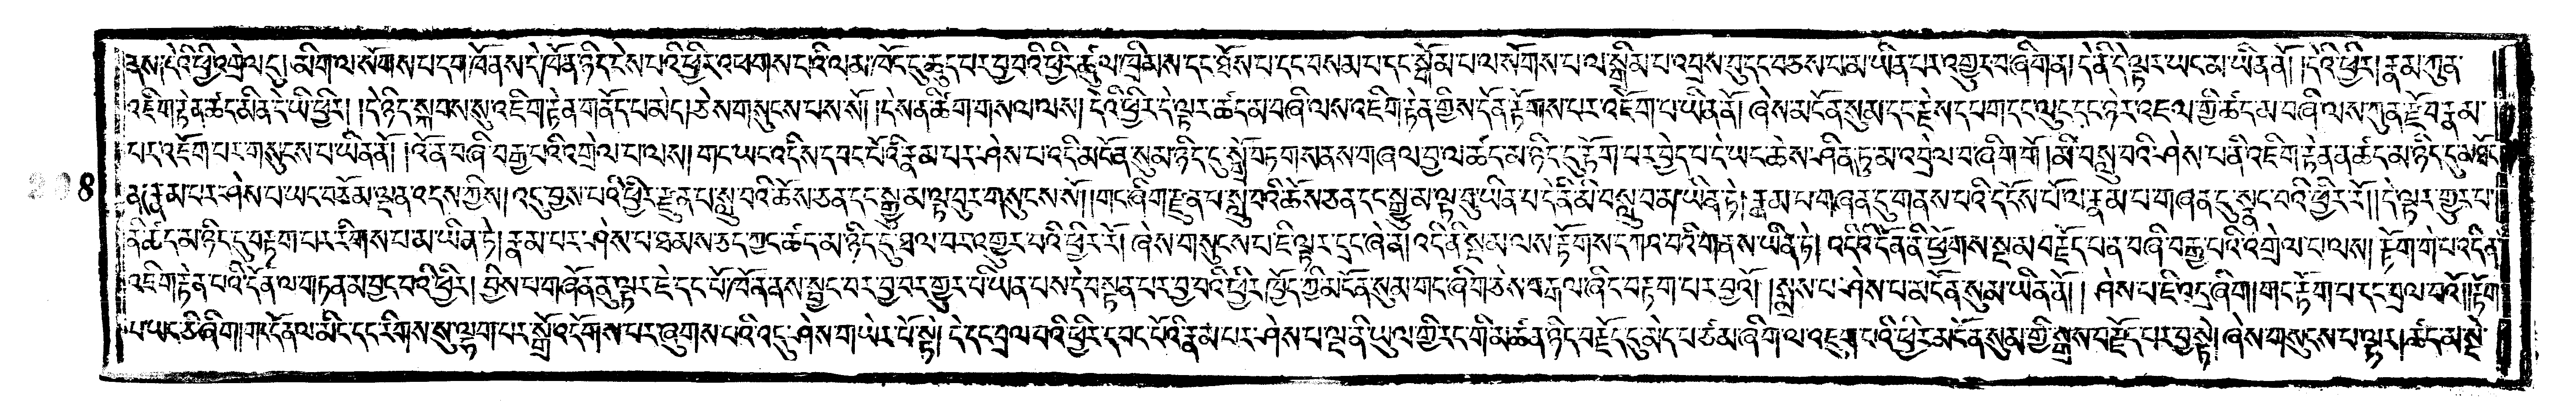ནས༑ དེའི་ཕྱི་འགྲེལ་དུ། མིག་ལ་སོགས་པ་དག་ཁོ་ནས་དེ་ཁོ་ན་ཉིད་ངེས་པའི་ཕྱིར་འཕགས་པའི་ལམ་ཁོང་དུ་ཆུད་པར་བྱ་བའི་ཕྱིར་ཚུལ་ཁྲིམས་དང་ཐོས་པ་དང་བསམ་པ་དང་སྒོམ་པ་ལ་སོགས་པ་ལ་སྒྲིམ་པ་འབྲས་བུ་དང་བཅས་པ་མ་ཡིན་པར་འགྱུར་བ་ཞིག་ན། དེ་ནི་དེ་ལྟར་ཡང་མ་ཡིན་ནོ། །དེའི་ཕྱིར། རྣམ་ཀུན་
འཇིག་རྟེན་ཚད་མིན་དེ་ཡི་ཕྱིར། །དེ་ཉིད་སྐབས་སུ་འཇིག་རྟེན་གནོད་པ་མེད། ཅེས་གསུངས་པས་སོ། །དེས་ན་ཚིག་གསལ་ལས། དེའི་ཕྱིར་དེ་ལྟར་ཚད་མ་བཞི་ལས་འཇིག་རྟེན་གྱིས་དོན་རྟོགས་པར་འཇོག་པ་ཡིན་ནོ། ཞེས་མངོན་སུམ་དང་རྗེས་དཔག་དང་ལུང་དང་ཉེར་འཇལ་གྱི་ཚད་མ་བཞི་ལས་ཀུན་རྫོབ་རྣམ་
པར་འཇོག་པར་གསུངས་པ་ཡིན་ནོ། །འོ་ན་བཞི་བརྒྱ་པའི་འགྲེལ་པ་ལས། གང་ཡང་འདིས་དབང་པོའི་རྣམ་པར་ཤེས་པ་འདི་མངོན་སུམ་ཉིད་དུ་སྒྲོ་བཏགས་ནས་གཞལ་བྱ་ལ་ཚད་མ་ཉིད་དུ་རྟོག་པར་བྱེད་པ་དེ་ཡང་ཆེས་ཤིན་ཏུ་མ་འབྲེལ་བཞིག་གོ །མི་བསླུ་བའི་ཤེས་པ་ནི་འཇིག་རྟེན་ན་ཚད་མ་ཉིད་དུ་མཐོང་
ན༑ རྣམ་པར་ཤེས་པ་ཡང་བཅོམ་ལྡན་འདས་ཀྱིས། འདུ་བྱས་པའི་ཕྱིར་རྫུན་པ་སླུ་བའི་ཆོས་ཅན་དང་སྒྱུ་མ་ལྟར་བུར་གསུངས་སོ། །གང་ཞིག་རྫུན་པ་སླུ་བའི་ཆོས་ཅན་དང་སྒྱུ་མ་ལྟ་བུ་ཡིན་པ་དེ་ནི་མི་བསླུབ་མ་ཡིན་ཏེ། རྣམ་པ་གཞན་དུ་གནས་པའི་དངོས་པོ་ལ་རྣམ་པ་གཞན་དུ་སྣང་བའི་ཕྱིར་རོ། །དེ་ལྟར་གྱུར་བ་
ནི་ཚད་མ་ཉིད་དུ་བརྟག་པར་རིགས་པ་མ་ཡིན་ཏེ། རྣམ་པར་ཤེས་པ་ཐམས་ཅད་ཀྱང་ཚད་མ་ཉིད་དུ་ཐལ་བར་འགྱུར་བའི་ཕྱིར་རོ། ཞེས་གསུངས་པ་ཇི་ལྟར་དྲང་ཞེ་ན། འདི་ནི་སྔ་མ་ལས་རྟོགས་དཀའ་བའི་གནས་ཡིན་ཏེ། འདིའི་དོན་ནི་ཕྱོགས་སྔ་མ་བརྗོད་པ་ན་བཞི་བརྒྱ་པའི་འགྲེལ་པ་ལས། རྟོག་གེ་པ་འདི་ནི་
འཇིག་རྟེན་པའི་དོན་ལ་གཏན་མ་བྱད་བའི་ཕྱིར། བྱིས་པ་གཞོན་ནུ་ལྟར་ཇེ་དང་པོ་ཁོ་ན་ནས་སྦྱང་བར་བྱ་བར་གྱུར་པ་ཡིན་པས་དེ་བསྟན་པར་བྱ་བའི་ཕྱིར་ཁྱོད་ཀྱི་མངོན་སུམ་གང་ཞིག་ཅེས་བརྒལ་ཞིང་བརྟག་པར་བྱའོ། །སྨྲས་པ་ཤེས་པ་མངོན་སུམ་ཡིན་ནོ། །ཤེས་པ་ཇི་འདྲ་ཞིག། གང་རྟོག་པ་དང་བྲལ་བའོ། །རྟོག་
པ་ཡང་ཅི་ཞིག། གང་དོན་ལ་མིང་དང་རིགས་སུ་ལྷག་པར་སྒྲོ་འདོགས་པར་ཞུགས་པའི་འདུ་ཤེས་གཡེར་པོ་སྟེ། དེ་དང་བྲལ་བའི་ཕྱིར་དབང་པོའི་རྣམ་པར་ཤེས་པ་ལྔ་ནི་ཡུལ་གྱི་རང་གི་མཚན་ཉིད་བརྗོད་དུ་མེད་པ་ཙམ་ཞིག་ལ་འཇུག་པའི་ཕྱིར་མངོན་སུམ་གྱི་སྒྲས་བརྗོད་པར་བྱ་སྟེ། ཞེས་གསུངས་པ་ལྟར། ཚད་མ་སྡེ་